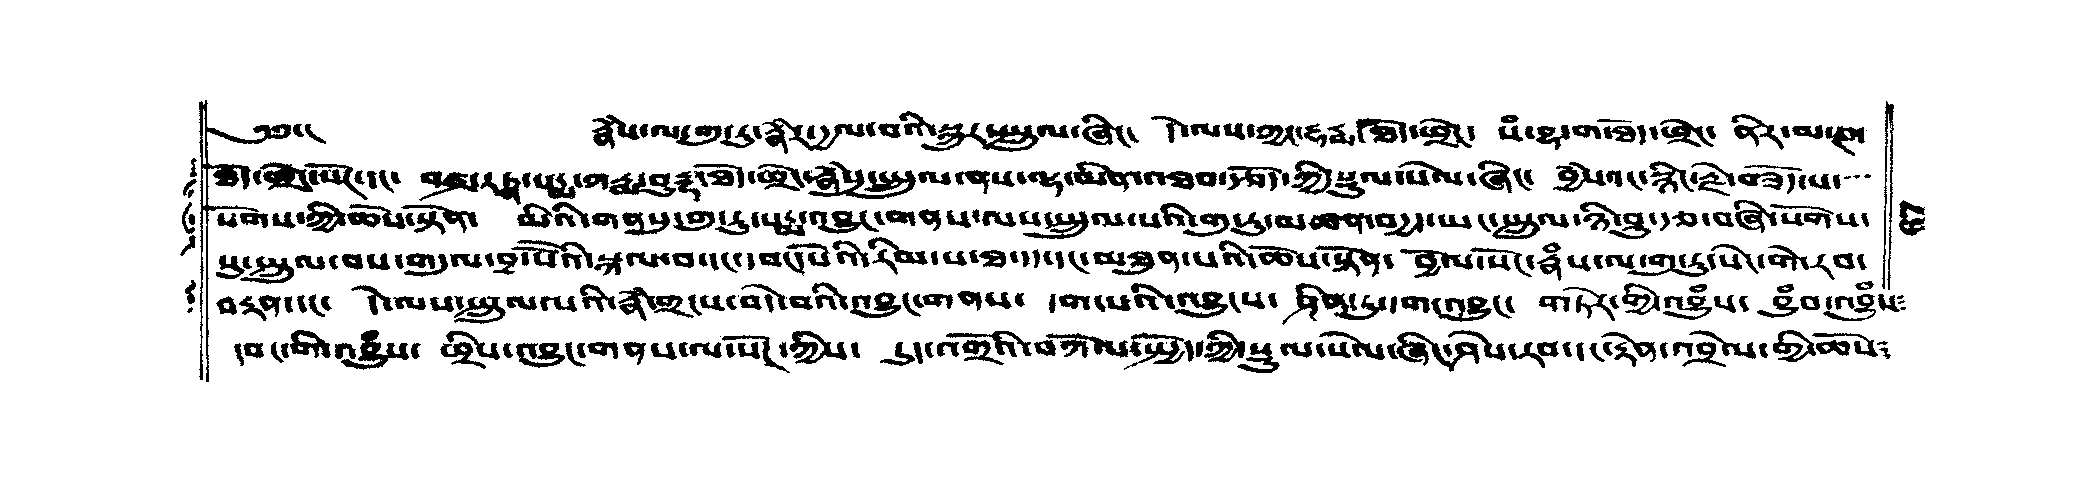རྣམས་ལ་གུ་རུ་རྣམ་པར་རྒྱལ་བའི་སྐུར་སྤྲུལ་ཞིང་། དེ་ལས་ཀྱང་དྷརྨ་ཐོད་ཕྲེང་། སཾ་བྷ་ཝ་ཐོད་ཕྲེང་། ནིར་མ་ཎ་
ཐོད་ཕྲེང་སོགས་དང་། བཛྲ་རཏྣ་པདྨ་ཀརྨ་བུདྡྷ་ཐོད་ཕྲེང་རྣམས་སུ་སྤྲུལ་ནས་ལྷ་མིན་འཐབ་རྩོད་ཀྱི་སྡུག་བསྔལ་སེལ་ཞིང་། བྱམས་དང་སྙིང་རྗེ་བཟོད་པ་
སོགས་ཀྱི་ཆོས་སྟོན། མིའི་གནས་སུ་གུ་རུ་པདྨ་འབྱུང་གནས་ལས་སྤྲུལ་པའི་གུ་རུ་མཚན་བརྒྱད་ཡང་སྤྲུལ་ཉི་ཤུ་རྩ་གཅིག་སོགས་
སུ་སྤྲུལ་བས་གདུལ་བྱ་སོ་སོའི་སྐལ་བ་དང་དབང་པོའི་རིམ་པ་ཐ་དད་དང་མཐུན་པའི་ཆོས་སྟོན། བྱོལ་སོང་རྣམས་ལ་གུ་རུ་སེང་གེ་རབ་
བརྟན་དང་། དེ་ལས་སྤྲུལ་པའི་རྣམ་གྲངས་བདེ་བའི་འབྱུང་གནས། དག་པའི་འབྱུང་གནས། ཤིན་ཏུ་དག་འབྱུང་། གཏེར་གྱི་འབྱུང་གནས། བྱང་ཆུབ་འབྱུང་གནས་
དབང་གི་འབྱུང་གནས། ཕྲིན་ལས་འབྱུང་གནས་ལ་སོགས་ཀྱིས་དུད་འགྲོའི་བཀོལ་སྤྱོད་ཀྱི་སྡུག་བསྔལ་སེལ་ཞིང་ཤེས་རབ་དང་རྟེན་འབྲེལ་གྱི་ཆོས་